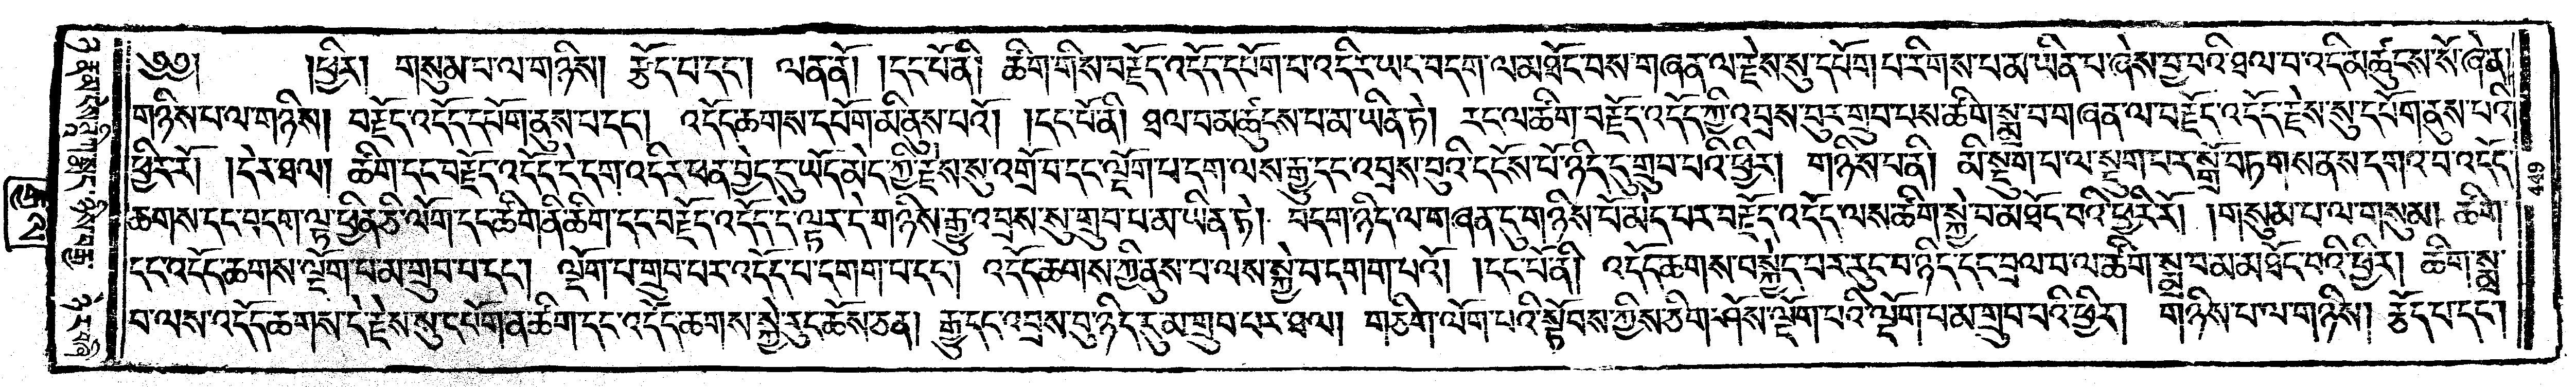༄༅། །ཕྱིར། གསུམ་པ་ལ་གཉིས། རྩོད་པ་དང་། ལན་ནོ། །དང་པོ་ནི། ཚིག་གིས་བརྗོད་འདོད་དཔོག་པ་འདིར་ཡང་བདག་ལ་མཐོང་བས་གཞན་ལ་རྗེས་སུ་དཔོག་པ་རིགས་པ་མ་ཡིན་པ་ཞེས་བྱ་བའི་ཐལ་བ་འདི་མཚུངས་སོ་ཞེ་ན།
གཉིས་པ་ལ་གཉིས། བརྗོད་འདོད་དཔོག་ནུས་པ་དང་། འདོད་ཆགས་དཔོག་མི་ནུས་པའོ། །དང་པོ་ནི། ཐལ་བ་མཚུངས་པ་མ་ཡིན་ཏེ། རང་ལ་ཚིག་བརྗོད་འདོད་ཀྱི་འབྲས་བུར་གྲུབ་པས་ཚིག་སྨྲ་བ་གཞན་ལ་བརྗོད་འདོད་རྗེས་སུ་དཔོག་ནུས་པའི་
ཕྱིར་རོ། །དེར་ཐལ། ཚིག་དང་བརྗོད་འདོད་དེ་དག་འདིར་ཕན་བྱེད་དུ་ཡོད་མེད་ཀྱི་རྗེས་སུ་འགྲོ་བ་དང་ལྡོག་པ་དག་ལས་རྒྱུ་དང་འབྲས་བུའི་དངོས་པོ་ཉིད་དུ་གྲུབ་པའི་ཕྱིར། གཉིས་པ་ནི། མི་སྡུག་པ་ལ་སྡུག་པར་སྒྲོ་བཏགས་ནས་དགའ་བ་འདོད་
ཆགས་དང་བདག་ལྟ་ཕྱིན་ཅི་ལོག་དང་ཚིག་ནི་ཚིག་དང་བརྗོད་འདོད་དེ་ལྟར་དེ་གཉིས་རྒྱུ་འབྲས་སུ་གྲུབ་པ་མ་ཡིན་ཏེ། བདག་ཉིད་ལ་གཞན་དུ་གཉིས་པོ་མེད་པར་བརྗོད་འདོད་ལས་ཚིག་སྐྱེ་བ་མཐོང་བའི་ཕྱིར་རོ། །གསུམ་པ་ལ་གསུམ། ཚིག་
དང་འདོད་ཆགས་ལྡོག་པ་མ་གྲུབ་པ་དང་། ལྡོག་པ་གྲུབ་པར་འདོད་པ་དགག་པ་དང་། འདོད་ཆགས་ཀྱི་ནུས་པ་ལས་སྐྱེ་བ་དགག་པའོ། །དང་པོ་ནི། འདོད་ཆགས་བསྐྱེད་པར་རུང་བ་ཉིད་དང་བྲལ་བ་ལ་ཚིག་སྨྲ་བ་མ་མཐོང་བའི་ཕྱིར། ཚིག་སྨྲ་
བ་ལས་འདོད་ཆགས་དེ་རྗེས་སུ་དཔོག་ན་ཚིག་དང་འདོད་ཆགས་སྐྱེ་རུང་ཆོས་ཅན། རྒྱུ་དང་འབྲས་བུ་ཉིད་དུ་མ་གྲུབ་པར་ཐལ། གཅིག་ལོག་པའི་སྟོབས་ཀྱིས་ཅིག་ཤོས་ལྡོག་པའི་ལྡོག་པ་མ་གྲུབ་པའི་ཕྱིར། གཉིས་པ་ལ་གཉིས། རྩོད་པ་དང་།